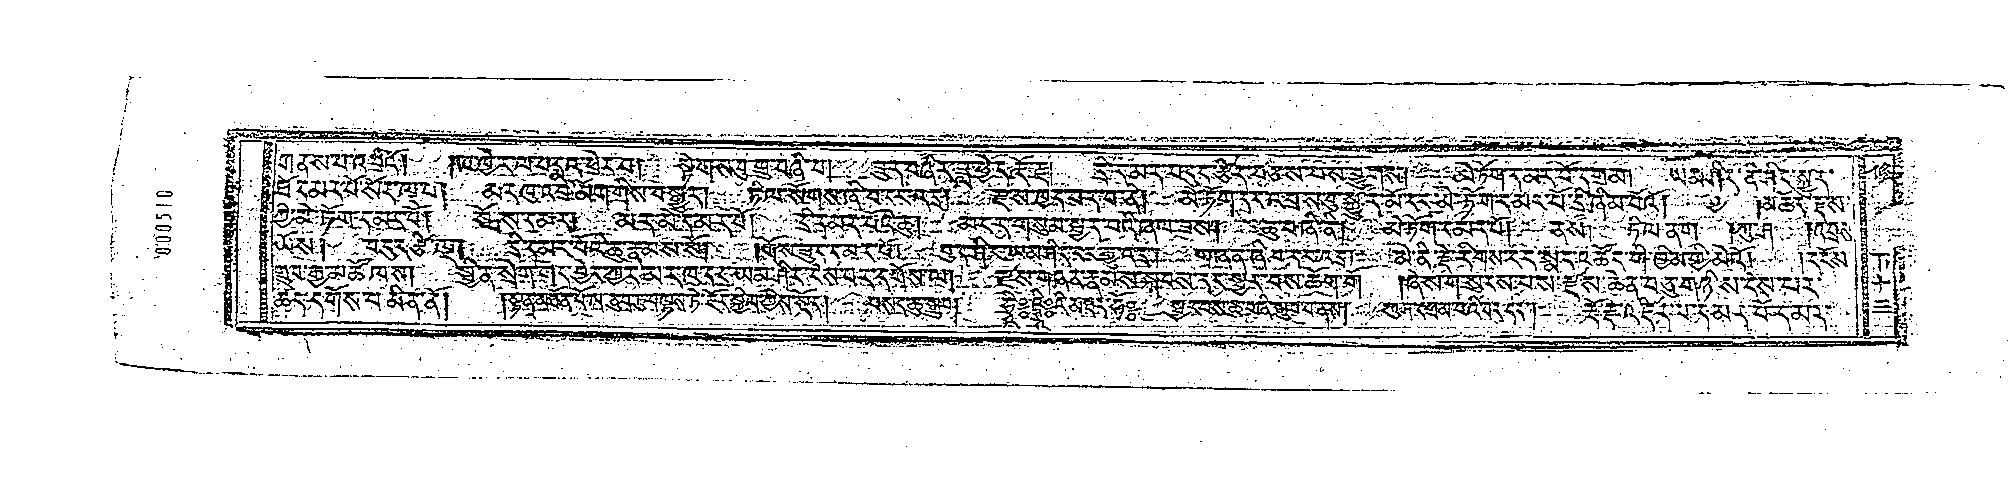གནས་པ་འབྲིའོ། །ཁ་ཁྱེར་ལ་པདམ་འཕྲེང་བ། སྟེགས་བུ་གྲུ་བཞི་པ། ཟུར་བཞིར་ཟླ་ཕྱེད་རྡོ་རྗེ། དྲི་དམར་བདུད་རྩིར་བཅས་པས་བྱུགས། མེ་ཏོག་དམར་པོ་དགྲམ། ཡམ་ཤིང་ནི་ཤིང་སྐྱུར་
ཟོ་དམར་པོ་སོར་ལྔ་པ། མར་ཁུ་འབྲི་མོག་གིས་བསྒྱུར། ཏིལ་སོགས་ཞི་བ་དང་འདྲ། རྫས་ཁྱད་པར་བ་ནི། མེ་ཏོག་དང་འབྲས་བུ་སྐྱུར་མོ་དང་མེ་ཏོག་དམར་པོ་དྲི་ཞིམ་པོའོ། ༧་།མཆོད་རྫས་
ཀྱི་མེ་ཏོག་དམར་པོ། སྤོས་དམར། མར་མེ་དམར་པོ། དྲི་དམར་པོའི་ཆུ། མངར་གསུམ་སྦྱར་བའི་ཞལ་ཟས། ཆུ་བཞི་ནི། མེ་ཏོག་དམར་པོ། ནས། ཏིལ་ནག །ཀུ་ཤ་།འབྲས་
ཡོས། བདུད་རྩི་ལྔ། དྲི་དམར་པོའི་ཆུ་རྣམས་སོ། །གོས་ཟུང་དམར་པོ། བུད་ཤིང་ཡམ་ཤིང་དང་རྒྱུ་འདྲ། གཞན་ཞི་བ་དང་འདྲ། མེ་ནི་རྗེ་རིགས་དང་སྨད་འཚོད་གི་ཁྱིམ་གྱི་མེའོ། །དངོས་
གྲུབ་རྒྱ་མཚོ་ལས། སྦྱིན་སྲེག་གང་བྱེད་ཀྱང་མར་ཁུ་དང་ཡམ་ཤིང་ངེས་པར་དགོས་ལ། རྫས་གཞན་རྣམས་སྐབས་དང་སྦྱར་བས་ཆོག་གོ །ཞེས་གསུངས་པས་རྫས་ཆེན་བཅུ་གཉིས་ངེས་པར་
ཚང་དགོས་པ་མིན་ནོ། །སྟན་མཐོན་པོ་ལ་ནུབ་ཏུ་བལྟས་ཏེ་རྡོར་སྐྱིལ་གྱིས་སྡོང་། བསང་ཆུ་སྒྲུབ། ཧྲཱིཿ་ཥྚྲཱིཿ་འི་མཐར་ཧོཿ་སྦྱར་བས་ཆུ་བཞི་སྒྲུབ་པ་ནས། ཀུ་ཤ་དགྲམ་པའི་བར་དང་། རྡོ་རྗེ་འཛིན་པ་དམར་པོ་དམར་